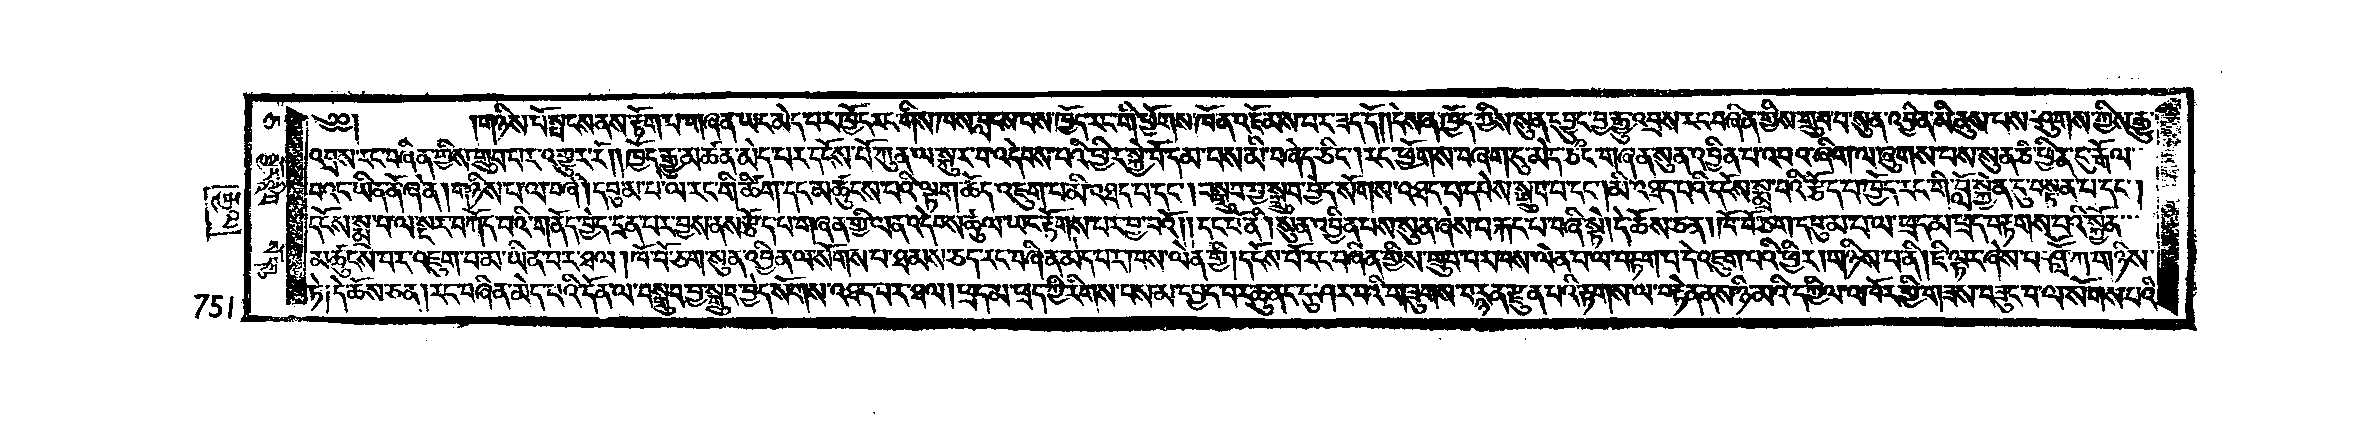༄༅། །གཉིས་པོ་སྤངས་ནས་རྟོག་པ་གཞན་ཡང་མེད་པར་ཁྱོད་རང་གིས་ཁས་བླངས་པས་ཁྱོད་རང་གི་ཕྱོགས་ཁོ་ན་འཇོམས་པར་ཟད་དོ། །དེས་ན་ཁྱོད་ཀྱིས་སུན་དབྱུང་བྱ་རྒྱུ་འབྲས་རང་བཞིན་གྱིས་གྲུབ་པ་སུན་འབྱིན་མི་ནུས་པས་ཤུགས་ཀྱིས་རྒྱུ་
འབྲས་རང་བཞིན་གྱིས་གྲུབ་པར་འགྱུར་རོ། །ཁྱོད་རྒྱུ་མཚན་མེད་པར་དངོས་པོ་ཀུན་ལ་སྐུར་བ་འདེབས་པའི་ཕྱིར་སྐྱེ་བོ་དམ་པས་མི་བཞེད་ཅིང་། རང་ཕྱོགས་བཞག་དུ་མེད་ཅིང་གཞན་སུན་འབྱིན་པ་འབའ་ཞིག་ལ་ཞུགས་པས་སུན་ཅི་ཕྱིན་དུ་རྒོལ་
བའང་ཡིན་ནོ་ཞེ་ན། གཉིས་པ་ལ་བཞི། དབུ་མ་པ་ལ་རང་གི་ཚིག་དང་མཚུངས་པའི་ལྟག་ཆོད་འཇུག་པ་མི་འཐད་པ་དང་། བསྒྲུབ་བྱ་སྒྲུབ་བྱེད་སོགས་འཐད་པ་དཔེས་སྒྲུབ་པ་དང་། མི་འཐད་པའི་དངོས་སྨྲ་བའི་རྩོད་པ་ཁྱོད་རང་གི་བློ་སྐྱེན་དུ་བསྟན་པ་དང་།
དངོས་སྨྲ་བ་ལ་སྔར་བཀོད་པའི་གནོད་བྱེད་དྲན་པར་བྱས་ནས་རྩོད་པ་གཞན་གྱི་ལན་འདེབས་ཚུལ་ཡང་རྟོགས་པར་བྱ་བའོ། །དང་པོ་ནི། སུན་འབྱིན་པས་སུན་ཞེས་པ་རྐང་པ་བཞི་སྟེ། དེ་ཆོས་ཅན། ཁོ་བོ་ཅག་དབུ་མ་པ་ལ་ཕྲད་མ་ཕྲད་བརྟགས་པའི་སྐྱོན་
མཚུངས་པར་འཇུག་པ་མ་ཡིན་པར་ཐལ། ཁོ་བོ་ཅག་སུན་འབྱིན་ལ་སོགས་པ་ཐམས་ཅད་རང་བཞིན་མེད་པར་ཁས་ལེན་གྱི། དངོས་པོ་རང་བཞིན་གྱིས་གྲུབ་པར་ཁས་ལེན་པ་ལ་བརྟག་པ་དེ་འཇུག་པའི་ཕྱིར། གཉིས་པ་ནི། ཇི་ལྟར་ཞེས་པ་ཤླཽ་ཀ་གཉིས་
ཏེ༑ དེ་ཆོས་ཅན། རང་བཞིན་མེད་པའི་དོན་ལ་བསྒྲུབ་བྱ་སྒྲུབ་བྱེད་སོགས་འཐད་པར་ཐལ། ཕྲད་མ་ཕྲད་ཀྱི་རིགས་པས་མ་དཔྱད་པར་ཆུ་ནང་དུ་ཤར་བའི་གཟུགས་བརྙན་རྫུན་པའི་རྟགས་ལ་བརྟེན་ནས་ཉི་མའི་དཀྱིལ་འཁོར་གྱི་གཟས་བཟུང་བ་ལ་སོགས་པའི་